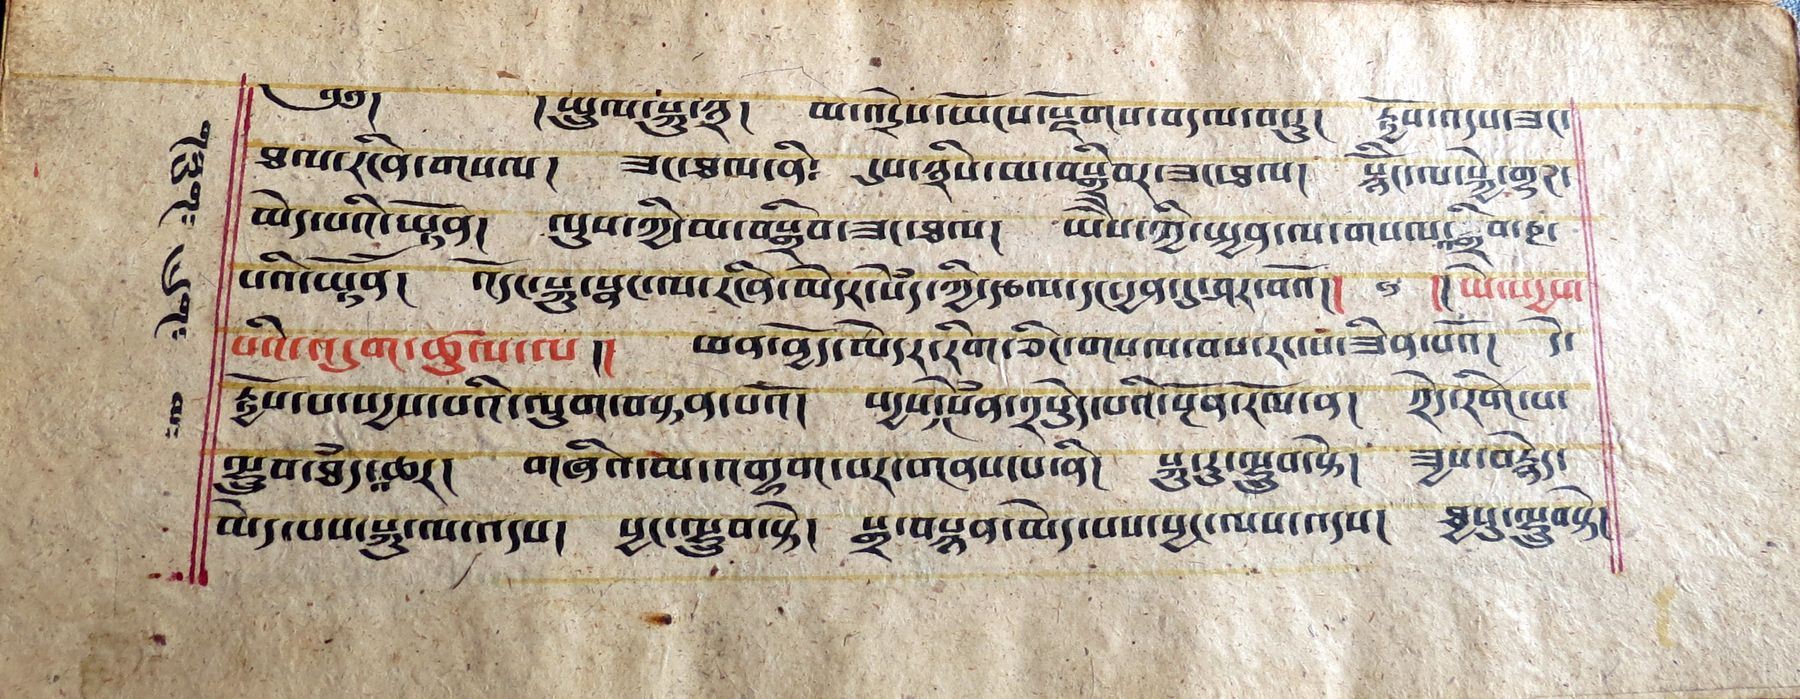སྤྲུལ་སྐུ་གསུམ། མ་འདྲེས་ཡོངས་རྫོགས་བདལ་པ་རུ། རྟོས་འདས་ཟང་
ཐལ་རང་བཞིན་གསལ། ཟང་ཐལ་ནི། དུས་གཉིས་མ་བསྒྲིབས་པར་ཟང་ཐལ། སྙིང་པོ་ལ་སྐྱེ་འགགས་
མེད་པའི་ཡོན་ཏན། ལུས་ཀྱིས་མ་བསྒྲིབས་ཟང་ཐལ། ཡེ་ཤེས་ཀྱི་སྤྱན་ལ་གསལ་སྒྲིབ་མེད་
པའི་ཡོན་ཏན། འོད་དང་སྐུ་སྣང་ལ་རང་བཞིན་མེད་པར་སེམས་ཉིད་ཀྱི་རྩལ་དང་རྒྱན་དུ་ཤར་བའོ། ། ཡེ་སངས་རྒྱས་
པའི་འདུག་ཚུལ་ལ། ཕན་གནོད་མེད་པར་རིག་ཅིང་གསལ་བས་རང་ས་ཟིན་པའོ། ། དེ་
རྟོགས་པ་སངས་རྒྱས་པའི་ལུགས་བསྟན་པའོ། ། སངས་རྒྱས་དང་སེམས་ཅན་གཉིས་སུ་མེད་པའི་སྔོན་རོལ་ན། གཉིས་མེད་རིག་པ་
ལྷུན་གྲུབ་ཐམས་ཅད་འཆར། གཞི་ལ་མ་འགག་པར་གནས་པ་ནི། སྐུ་རུ་ལྷུན་གྲུབ་སྟེ། གཟུགས་བརྙན་
མེད་པས་སྐུ་ལས་འདས། གསུང་ལྷུན་གྲུབ་སྟེ། སྒྲ་སྙན་མེད་པས་གསུང་ལས་འདས། ཐུགས་ལྷུན་གྲུབ་སྟེ།